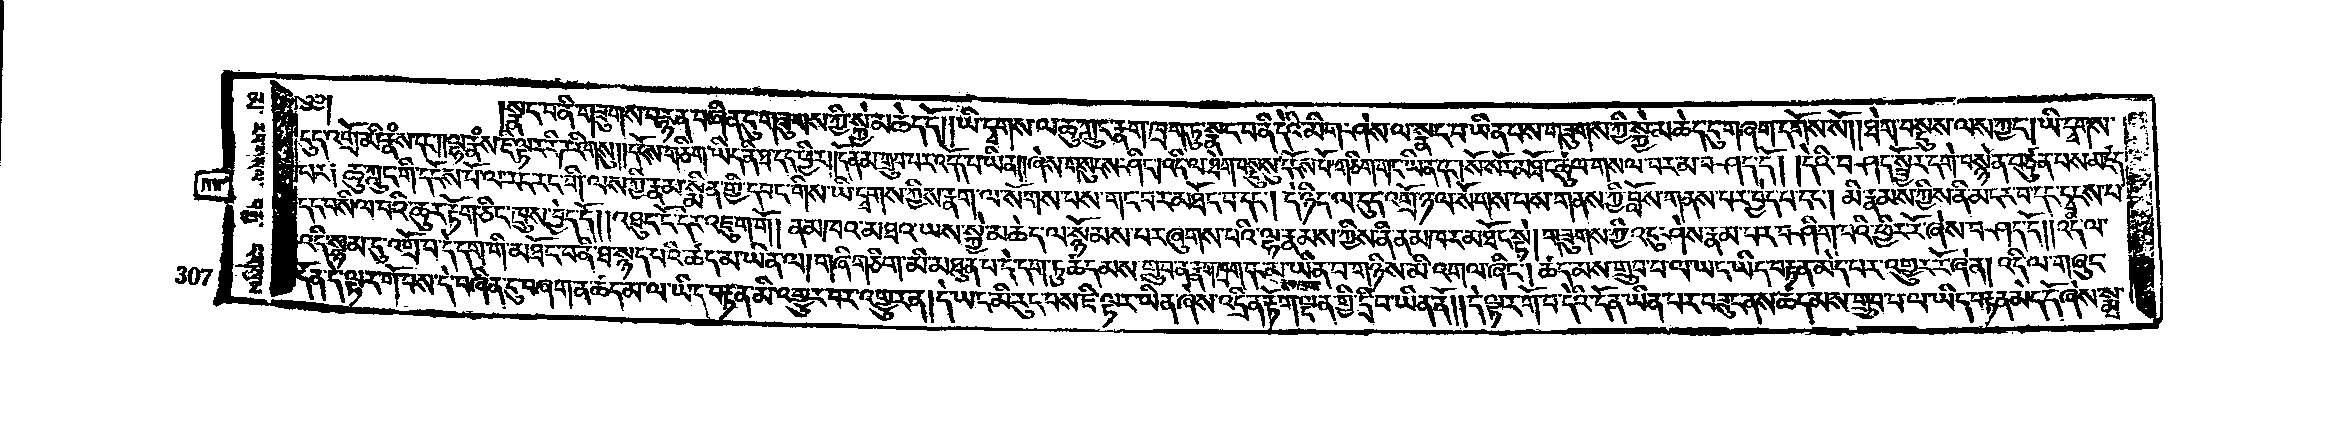༄༅། །སྣང་བ་ནི་གཟུགས་བརྙན་བཞིན་དུ་གཟུགས་ཀྱི་སྐྱེ་མཆེད་དོ། །ཡི་དྭགས་ལ་ཆུ་ཀླུང་རྣག་ཁྲག་ཏུ་སྣང་བ་ནི་དེའི་མིག་ཤེས་ལ་སྣང་བ་ཡིན་པས་གཟུགས་ཀྱི་སྐྱེ་མཆེད་དུ་གཞག་དགོས་སོ། །ཐེག་བསྡུས་ལས་ཀྱང་། ཡི་དྭགས་
དུད་འགྲོ་མི་རྣམས་དང་། །ལྷ་རྣམས་ཇི་ལྟར་རིགས་རིགས་སུ། །དངོས་གཅིག་ཡིད་ནི་ཐ་དད་ཕྱིར། །དོན་མ་གྲུབ་པར་འདོད་པ་ཡིན། །ཞེས་གསུངས་ཤིང་། འདི་ལ་ཐེག་བསྡུས་སུ་དངོས་པོ་གཅིག་གང་ཡིན་དང་། སོ་སོར་མཐོང་ཚུལ་གསལ་བར་མ་བཤད་དོ། །དེའི་བཤད་སྦྱོར་དགེ་བསྙེན་བཙུན་པས་མཛད་
པར། ཆུ་ཀླུང་གི་དངོས་པོ་ལ་རང་རང་གི་ལས་ཀྱི་རྣམ་སྨིན་གྱི་དབང་གིས་ཡི་དྭགས་ཀྱིས་རྣག་ལ་སོགས་པས་གང་བར་མཐོང་བ་དང་། དེ་ཉིད་ལ་དུད་འགྲོ་ཉ་ལ་སོགས་པས་གནས་ཀྱི་བློས་གནས་པར་བྱེད་པ་དང་། མི་རྣམས་ཀྱིས་ནི་མངར་བ་དང་དྭངས་པ་
དང་བསིལ་བའི་ཆུར་རྟོག་ཅིང་ཁྲུས་བྱེད་དོ། །འཐུང་ངོ་དེར་འཇུག་གོ །ནམ་མཁའ་མཐའ་ཡས་སྐྱེ་མཆེད་ལ་སྙོམས་པར་ཞུགས་པའི་ལྷ་རྣམས་ཀྱིས་ནི་ནམ་མཁར་མཐོང་སྟེ། གཟུགས་ཀྱི་འདུ་ཤེས་རྣམ་པར་བཤིག་པའི་ཕྱིར་རོ་ཞེས་བཤད་དོ། །འདི་ལ་
འདི་སྙམ་དུ་འགྲོ་བ་དེ་དག་གི་མཐོང་བ་ནི་ཐ་སྙད་པའི་ཚད་མ་ཡིན་ལ། གཞི་གཅིག་མི་མཐུན་པ་དེ་དག་ཏུ་ཚད་མས་གྲུབ་ན་རྣག་ཁྲག་དང་རྣལ་ཁྲག་མ་ཡིན་པ་གཉིས་མི་འགལ་ཞིང་། ཚད་མས་གྲུབ་པ་ལ་ཡང་ཡིད་བརྟན་མེད་པར་འགྱུར་རོ་ཞེ་ན། འདི་ལ་གཞུང་
དོན་དེ་ལྟར་གོ་བས་དེ་བཞིན་དུ་བཞག་ན་ཚད་མ་ལ་ཡིད་བརྟན་མི་འགྱུར་བར་འགྱུར་ན། དེ་ཡང་མི་རུང་བས་ཇི་ལྟར་ཡིན་ཞེས་འདྲི་ན་རྟོག་ལྡན་གྱི་དྲི་བ་ཡིན་ནོ། །དེ་ལྟར་གོ་བ་དེའི་དོན་ཡིན་པར་བཟུང་ནས་ཚད་མས་གྲུབ་པ་ལ་ཡིད་བརྟན་མེད་དོ་ཞེས་སྨྲ་